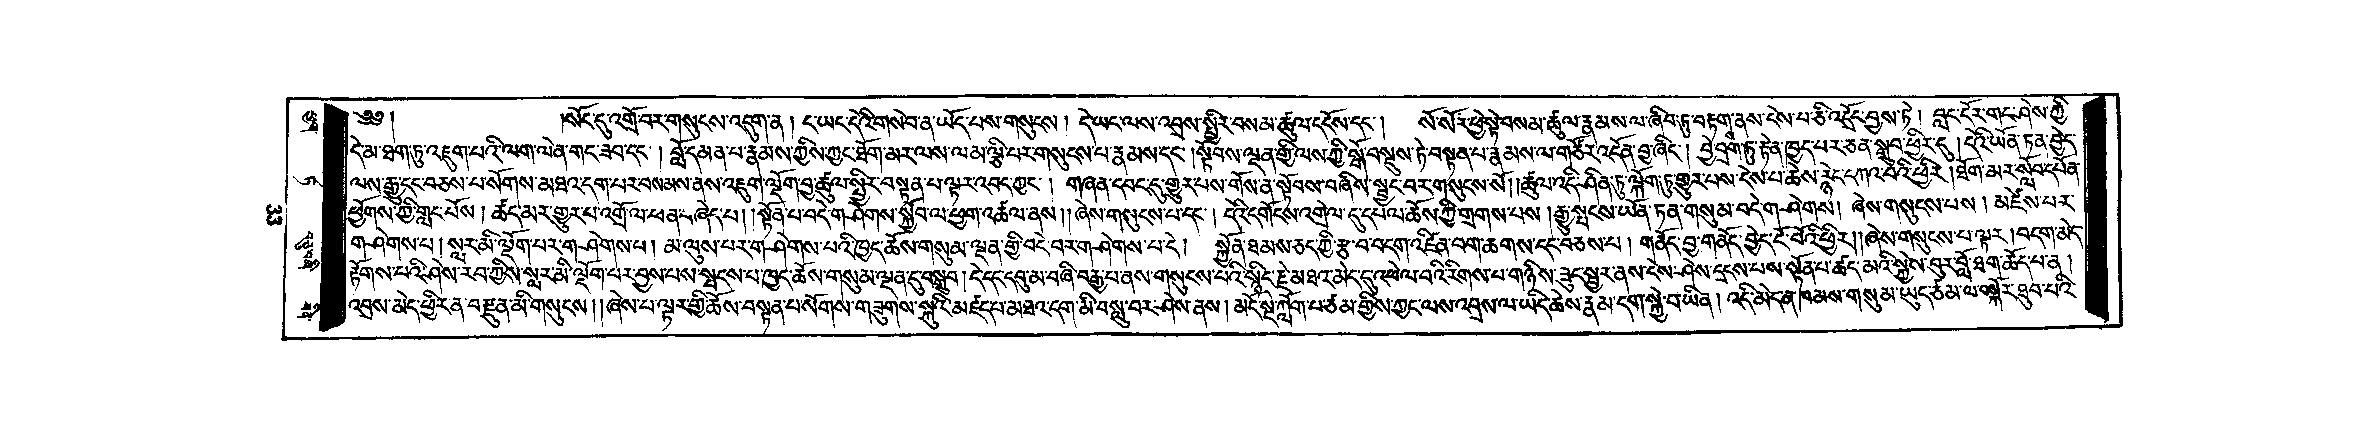༄༅། །སོང་དུ་འགྲོ་བར་གསུངས་འདུག་ན། ང་ཡང་དེའི་གསེབ་ན་ཡོད་པས་གསུངས། དེ་ཡང་ལས་འབྲས་སྤྱིར་བསམ་ཚུལ་དངོས་དང་། སོ་སོར་ཕྱེ་སྟེ་བསམ་ཚུལ་རྣམས་ལ་ཞིབ་ཏུ་བརྟགས་ནས་ངེས་པ་ཅི་འདྲོང་བྱས་ཏེ། བླང་དོར་གང་ཤེས་ཀྱི་
དེ་མ་ཐག་ཏུ་འཇུག་པའི་ལག་ལེན་གང་ཟབ་དང་། བློ་དམན་པ་རྣམས་ཀྱིས་ཀྱང་ཐོག་མར་ལས་ལམ་ལྕི་པར་གསུངས་པ་རྣམས་དང་། སྟོབས་ལྡན་གྱི་ལས་ཀྱི་སྒོ་བསྡུས་ཏེ་བསྟན་པ་རྣམས་ལ་གཙོར་འདོན་བྱ་ཞིང་། བྱེ་བྲག་ཏུ་རྟེན་ཁྱད་པར་ཅན་སྒྲུབ་ཕྱིར་དུ། དེའི་ཡོན་ཏན་བྱེད་
ལས་རྒྱུ་དང་བཅས་པ་སོགས་མཐའ་དག་པར་བསམས་ནས་འཇུག་ལྡོག་བྱ་ཚུལ་སྤྱིར་བསྟན་པ་ལྟར་འབད་ཀྱང་། གཞན་དབང་དུ་གྱུར་པས་གོས་ན་སྟོབས་བཞིས་སྦྱང་བར་གསུངས་སོ། །ཚུལ་འདི་ཤིན་ཏུ་ལྐོག་ཏུ་གྱུར་པས་ངེས་པ་ཆེས་རྙེད་དཀའ་བའི་ཕྱིར། ཐོག་མར་སློབ་དཔོན་
ཕྱོགས་ཀྱི་གླང་པོས། ཚད་མར་གྱུར་པ་འགྲོ་ལ་ཕན་བཞེད་པ། །སྟོན་པ་བདེ་གཤེགས་སྐྱོབ་ལ་ཕྱག་འཚལ་ནས། །ཞེས་གསུངས་པ་དང་། དེའི་དགོངས་འགྲེལ་དུ་དཔལ་ཆོས་ཀྱི་གྲགས་པས། རྒྱུ་སྤངས་ཡོན་ཏན་གསུམ་བདེ་གཤེགས། ཞེས་གསུངས་པས། མཛེས་པར་
གཤེགས་པ། སླར་མི་ལྡོག་པར་གཤེགས་པ། མ་ལུས་པར་གཤེགས་པའི་ཁྱད་ཆོས་གསུམ་ལྡན་གྱི་བདེ་བར་གཤེགས་པ་དེ། སྐྱོན་ཐམས་ཅད་ཀྱི་རྩ་བ་བདག་འཛིན་བག་ཆགས་དང་བཅས་པ། གནོད་བྱ་གནོད་བྱེད་ངོ་བོའི་ཕྱིར། །ཞེས་གསུངས་པ་ལྟར། བདག་མེད་
རྟོགས་པའི་ཤེས་རབ་ཀྱིས་སླར་མི་ལྡོག་པར་བྱས་པས་སྤངས་པ་ཁྱད་ཆོས་གསུམ་ལྡན་དུ་བསྒྲུབ། དེ་དང་དབུ་མ་བཞི་བརྒྱ་པ་ནས་གསུངས་པའི་སྙིང་རྗེ་མཐའ་མེད་དུ་འཕེལ་བའི་རིགས་པ་གཉིས་ཟུང་སྦྱར་ནས་ངེས་ཤེས་དྲངས་པས་སྟོན་པ་ཚད་མའི་སྐྱེས་བུར་བློ་ཐག་ཆོད་པ་ན།
འབྲས་མེད་ཕྱིར་ན་བརྫུན་མི་གསུངས། །ཞེས་པ་ལྟར་གྱི་ཆོས་བསྟན་པ་སོགས་གཟུགས་སྐུའི་མཛད་པ་མཐའ་དག་མི་བསླུ་བར་ཤེས་ནས། མདོ་སྡེ་ཀློག་པ་ཙམ་གྱིས་ཀྱང་ལས་འབྲས་ལ་ཡིད་ཆེས་རྣམ་དག་སྐྱེ་བ་ཡིན། འདི་མེད་ན་ཁམས་གསུམ་ཡུད་ཙམ་ལ་བསྐོར་ཐུབ་པའི་